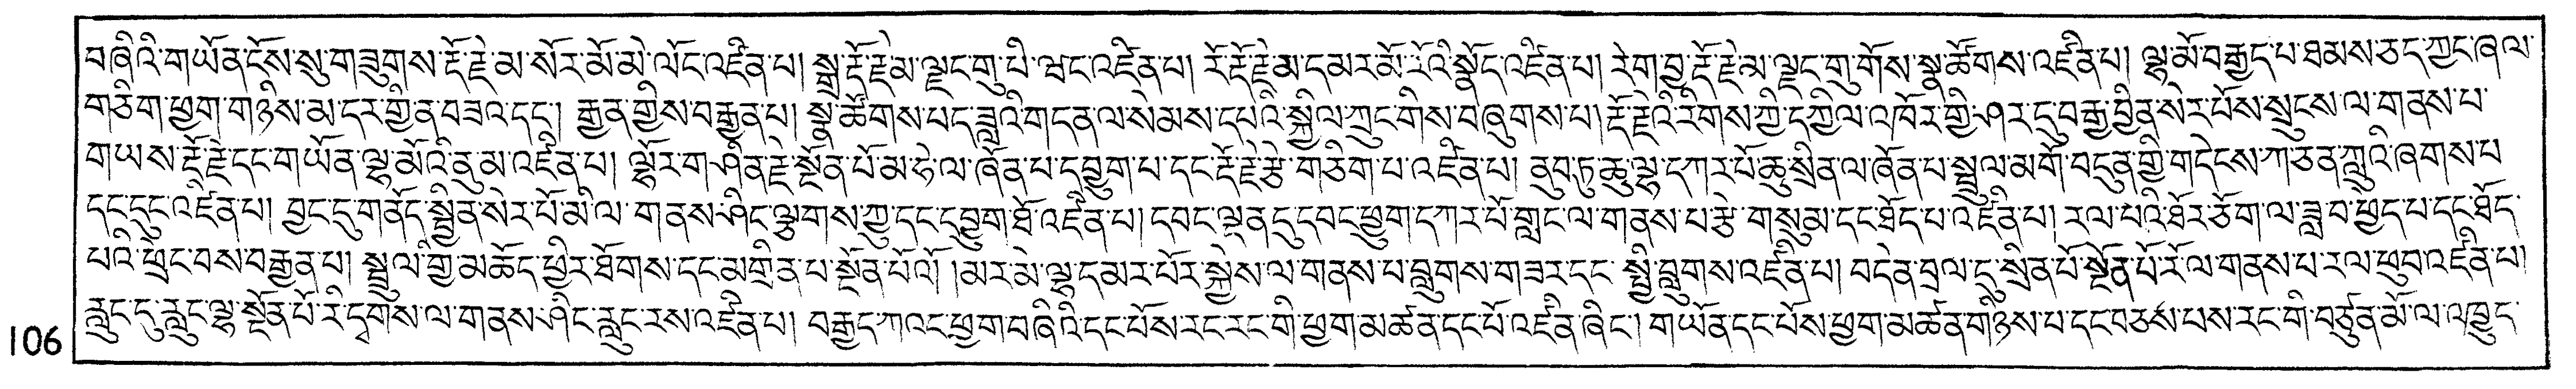བཞིའི་གཡོན་ངོས་སུ་གཟུགས་རྡོ་རྗེ་མ་སོར་མོ་མེ་ལོང་འཛིན་པ། སྒྲ་རྡོ་རྗེ་མ་ལྗང་གུ་པི་ཝང་འཛིན་པ། རོ་རྡོ་རྗེ་མ་དམར་མོ་རོའི་སྣོད་འཛིན་པ། རེག་བྱ་རྡོ་རྗེ་མ་ལྗང་གུ་གོས་སྣ་ཚོགས་འཛིན་པ། ལྷ་མོ་བརྒྱད་པ་ཐམས་ཅད་ཀྱང་ཞལ་
གཅིག་ཕྱག་གཉིས་མ་དར་གྱི་ན་བཟའ་དང་། རྒྱན་གྱིས་བརྒྱན་པ། སྣ་ཚོགས་པད་ཟླའི་གདན་ལ་སེམས་དཔའི་སྐྱིལ་ཀྲུང་གིས་བཞུགས་པ། རྡོ་རྗེའི་རིགས་ཀྱི་དཀྱིལ་འཁོར་གྱི་ཤར་དུ་བརྒྱ་བྱིན་སེར་པོས་སྲུངས་ལ་གནས་པ་
གཡས་རྡོ་རྗེ་དང་གཡོན་ལྷ་མོའི་ནུ་མ་འཛིན་པ། ལྷོར་གཤིན་རྗེ་སྔོན་པོ་མ་ཧེ་ལ་ཞོན་པ་དབྱུག་པ་དང་རྡོ་རྗེ་རྩེ་གཅིག་པ་འཛིན་པ། ནུབ་ཏུ་ཆུ་ལྷ་དཀར་པོ་ཆུ་སྲིན་ལ་ཞོན་པ་སྦྲུལ་མགོ་བདུན་གྱི་གདེངས་ཀ་ཅན་ཀླུའི་ཞགས་པ་
དང་དུང་འཛིན་པ། བྱང་དུ་གནོད་སྦྱིན་སེར་པོ་མི་ལ་གནས་ཤིང་ལྕགས་ཀྱུ་དང་དབྱུག་ཐོ་འཛིན་པ། དབང་ལྡན་དུ་དབང་ཕྱུག་དཀར་པོ་གླང་ལ་གནས་པ་རྩེ་གསུམ་དང་ཐོད་པ་འཛིན་པ། རལ་པའི་ཐོར་ཅོག་ལ་ཟླ་བ་ཕྱེད་པ་དང་ཐོད་
པའི་ཕྲེང་བས་བརྒྱན་པ། སྦྲུལ་གྱི་མཆོད་ཕྱིར་ཐོགས་དང་མགྲིན་པ་སྔོན་པོའོ། །མར་མེ་ལྷ་དམར་པོར་སྐྱེས་ལ་གནས་པ་བླུགས་གཟར་དང་སྤྱི་བླུགས་འཛིན་པ། བདེན་བྲལ་དུ་སྲིན་པོ་སྔོན་པོ་རོ་ལ་གནས་པ་རལ་ཕུབ་འཛིན་པ།
རླུང་དུ་རླུང་ལྷ་སྔོན་པོ་རི་དྭགས་ལ་གནས་ཤིང་རླུང་རས་འཛིན་པ། བརྒྱད་ཀའང་ཕྱག་བཞིའི་དང་པོས་རང་རང་གི་ཕྱག་མཚན་དང་པོ་འཛིན་ཞིང་། གཡོན་དང་པོས་ཕྱག་མཚན་གཉིས་པ་དང་བཅས་པས་རང་གི་བཙུན་མོ་ལ་འཁྱུད་